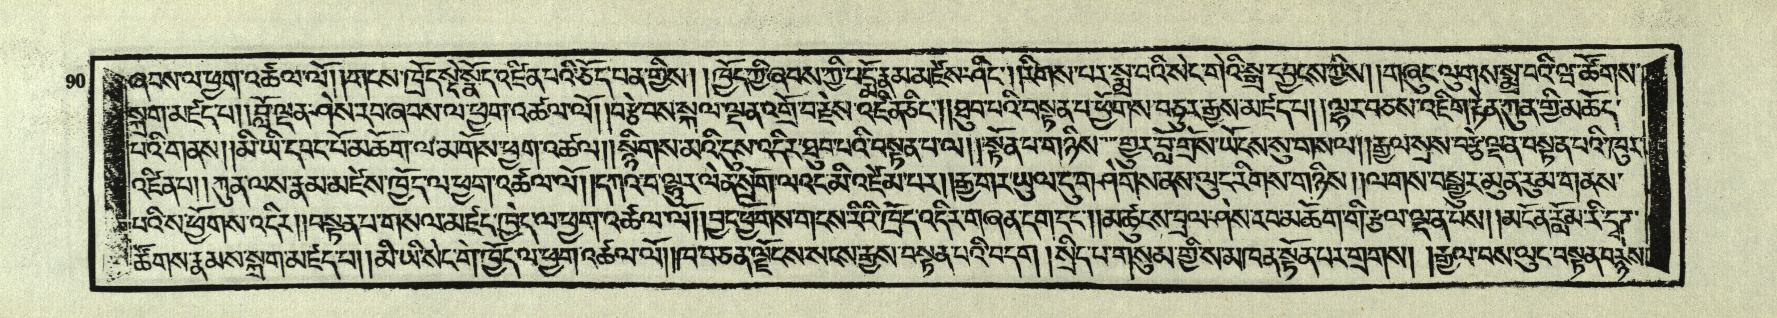ཞབས་ལ་ཕྱག་འཚལ་ལོ། །གངས་ཁྲོད་སྡེ་སྣོད་འཛིན་པའི་ཅོད་པན་གྱིས། །ཁྱོད་ཀྱི་ཞབས་ཀྱི་པདམོ་རྣམ་མཛེས་ཤིང་། །རིགས་པར་སྨྲ་བའི་སེང་གེའི་སྒྲ་དབྱངས་ཀྱིས། །གཞུང་ལུགས་སྨྲ་བའི་ཝ་ཚོགས་
སྐྲག་མཛད་པ། །བློ་ལྡན་ཤེས་རབ་ཞབས་ལ་ཕྱག་འཚལ་ལོ། །བརྩེ་བས་སྐལ་ལྡན་འགྲོ་བ་རྫས་འཛིན་ཅིང་། །ཐུབ་པའི་བསྟན་པ་ཕྱོགས་བཅུར་རྒྱས་མཛད་པ། །ལྷར་བཅས་འཇིག་རྟེན་ཀུན་གྱི་མཆོད་
པའི་གནས། །མི་ཡི་དབང་པོ་མཆོག་ལ་མགོས་ཕྱག་འཚལ། །སྙིགས་མའི་དུས་འདིར་ཐུབ་པའི་བསྟན་པ་ལ། །སྟོན་པ་གཉིས་གྱུར་བློ་གྲོས་ཡོངས་སུ་གསལ། །རྒྱལ་སྲས་བརྩེ་ལྡན་བསྟན་པའི་ཁུར་
འཛིན་པ། །ཀུན་ལས་རྣམ་མཛེས་ཁྱོད་ལ་ཕྱག་འཚལ་ལོ། །དཀའ་བ་ལྷུར་ལེན་སྲོག་ལའང་མི་འཛེམ་པར། །རྒྱ་གར་ཡུལ་དུ་གཤེགས་ནས་ལུང་རིགས་གཉིས། །ལགས་བསྒྱུར་མུན་རུ་མ་གནས་
པའི་ས་ཕྱོགས་འདིར། །བསྟན་པ་གསལ་མཛད་ཁྱེད་ལ་ཕྱག་འཚལ་ལོ། །བྱང་ཕྱོགས་གངས་རིའི་ཁྲོད་འདིར་གཞན་དག་དང་། །མཚུངས་བྲལ་ཤེས་རབ་མཆོག་གི་རྩལ་ལྡན་པས། །མངོན་རློམ་རི་དྭཌ་
ཚོགས་རྣམས་སྐྲག་མཛད་པ། །མི་ཡི་སེང་གེ་ཁྱོད་ལ་ཕྱག་འཚལ་ལོ། །ཁ་བ་ཅན་ལྗོངས་སངས་རྒྱས་བསྟན་པའི་བདག །སྲིད་པ་གསུམ་གྱི་ས་མཁན་སྟོན་པར་གྲགས། །རྒྱལ་བས་ལུང་བསྟན་བརྙེས་